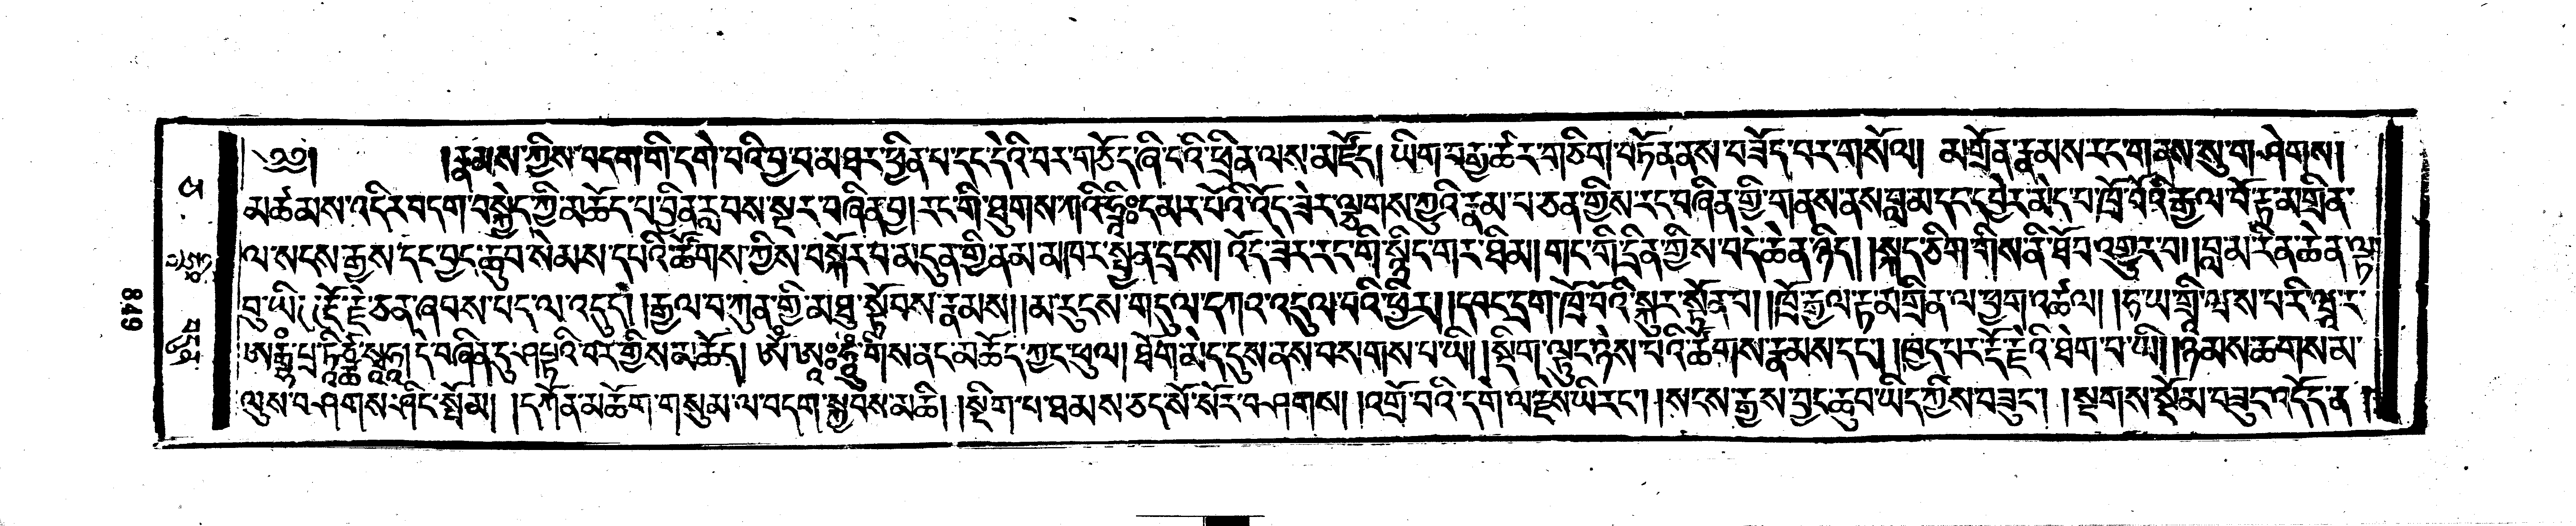༄༅། །རྣམས་ཀྱིས་བདག་གི་དགེ་བའི་བྱ་བ་མཐར་ཕྱིན་པ་དང་དེའི་བར་གཅོད་ཞི་བའི་ཕྲིན་ལས་མཛོད། ཡིག་བརྒྱ་ཚར་གཅིག་བཏོན་ནས་བཟོད་པར་གསོལ། མགྲོན་རྣམས་རང་གནས་སུ་གཤེགས།
མཚམས་འདིར་བདག་བསྐྱེད་ཀྱི་མཆོད་པ་བྱིན་རླབས་སྔར་བཞིན་བྱ། རང་གི་ཐུགས་ཀའི་ཧྲཱིཿ དམར་པོའི་འོད་ཟེར་ལྕགས་ཀྱུའི་རྣམ་པ་ཅན་གྱིས་རང་བཞིན་གྱི་གནས་ནས་བླ་མ་དང་དབྱེར་མེད་པ་ཁྲོ་བོའི་རྒྱལ་པོ་རྟ་མགྲིན་
ལ་སངས་རྒྱས་དང་བྱང་ཆུབ་སེམས་དཔའི་ཚོགས་ཀྱིས་བསྐོར་བ་མདུན་གྱི་ནམ་མཁར་སྤྱན་དྲངས། འོད་ཟེར་རང་གི་སྙིང་གར་ཐིམ། གང་གི་དྲིན་གྱིས་བདེ་ཆེན་ཉིད། །སྐད་ཅིག་གིས་ནི་ཐོབ་འགྱུར་བ། །བླ་མ་རིན་ཆེན་ལྟ་
བུ་ཡི། །རྡོ་རྗེ་ཅན་ཞབས་པད་ལ་འདུད། །རྒྱལ་བ་ཀུན་གྱི་མཐུ་སྟོབས་རྣམས། །མ་རུངས་གདུལ་དཀའ་འདུལ་བའི་ཕྱིར། །དབང་དྲག་ཁྲོ་བོའི་སྐུར་སྟོན་པ། །ཁྲོ་རྒྱལ་རྟ་མགྲིན་ལ་ཕྱག་འཚལ། །ཧ་ཡ་གྲཱི་ཝ་ས་པ་རི་ཝཱ་ར་
ཨརྒྷཾ་པྲ་ཏཱི་ཙྪ་སྭཱཧཱ། དེ་བཞིན་དུ་ཤཔྟའི་བར་གྱིས་མཆོད། ཨོཾ་ཨཱཿ ཧཱུཾ་གིས་ནང་མཆོད་ཀྱང་ཕུལ། ཐོག་མེད་དུས་ནས་བསགས་པ་ཡི། །སྡིག་ལྟུང་ཉེས་པའི་ཚོགས་རྣམས་དང་། །ཁྱད་པར་རྡོ་རྗེའི་ཐེག་པ་ཡི། །ཉམས་ཆགས་མ་
ལུས་བཤགས་ཤིང་སྡོམ། །དཀོན་མཆོག་གསུམ་ལ་བདག་སྐྱབས་མཆི། །སྡིག་པ་ཐམས་ཅད་སོ་སོར་བཤགས། །འགྲོ་བའི་དགེ་ལ་རྗེས་ཡི་རང་། །སངས་རྒྱས་བྱང་ཆུབ་ཡིད་ཀྱིས་བཟུང་། །སྔགས་སྡོམ་བཟུང་འདོད་ན།